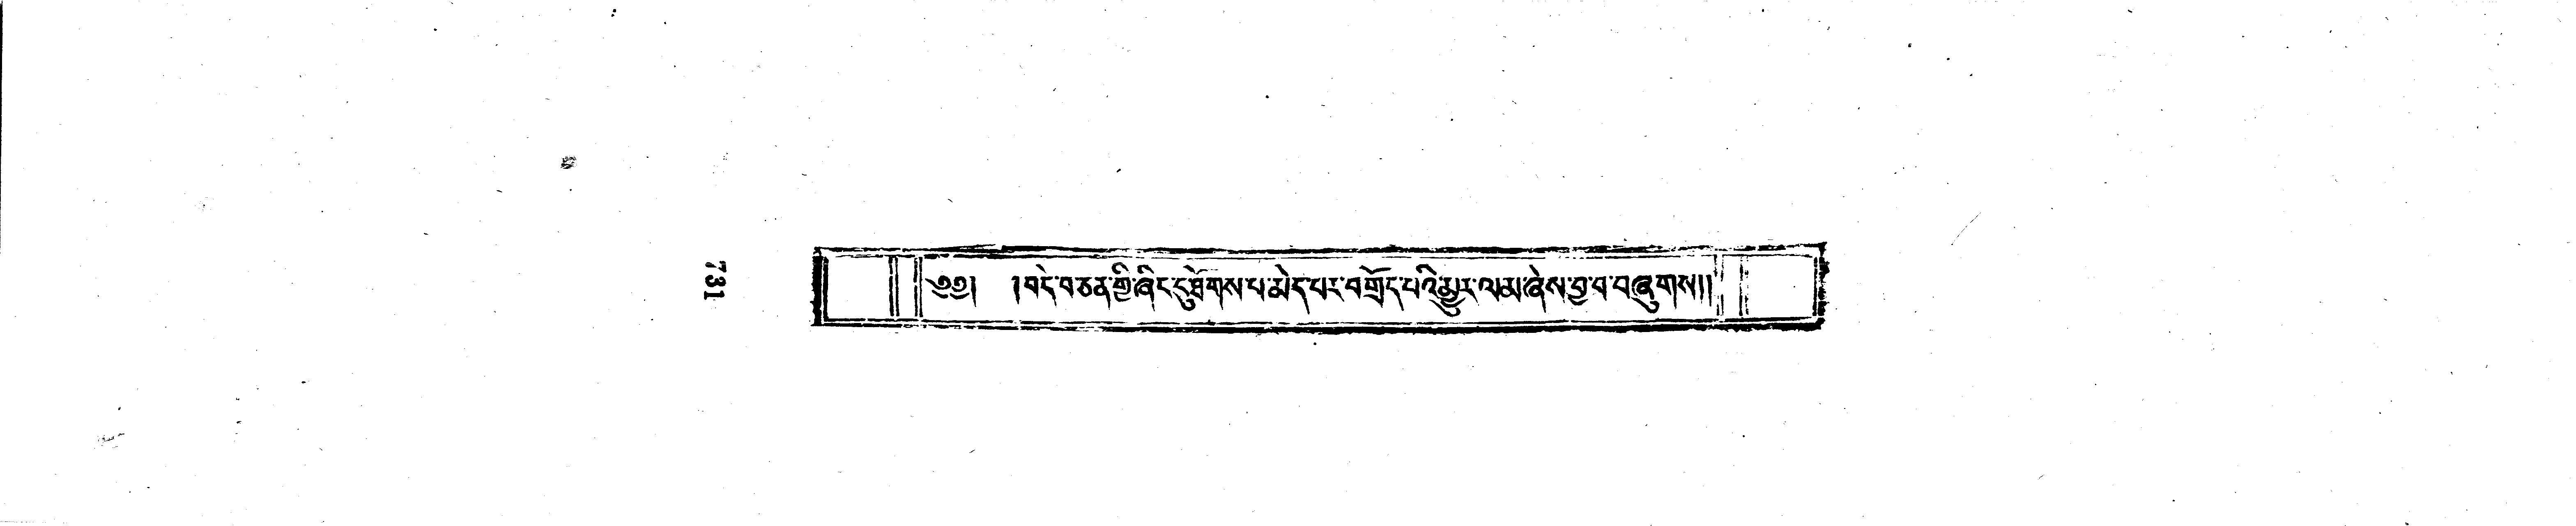༄༅། །བདེ་བ་ཅན་གྱི་ཞིང་དུ་ཐོགས་པ་མེད་པར་བགྲོད་པའི་མྱུར་ལམ་ཞེས་བྱ་བ་བཞུགས། །